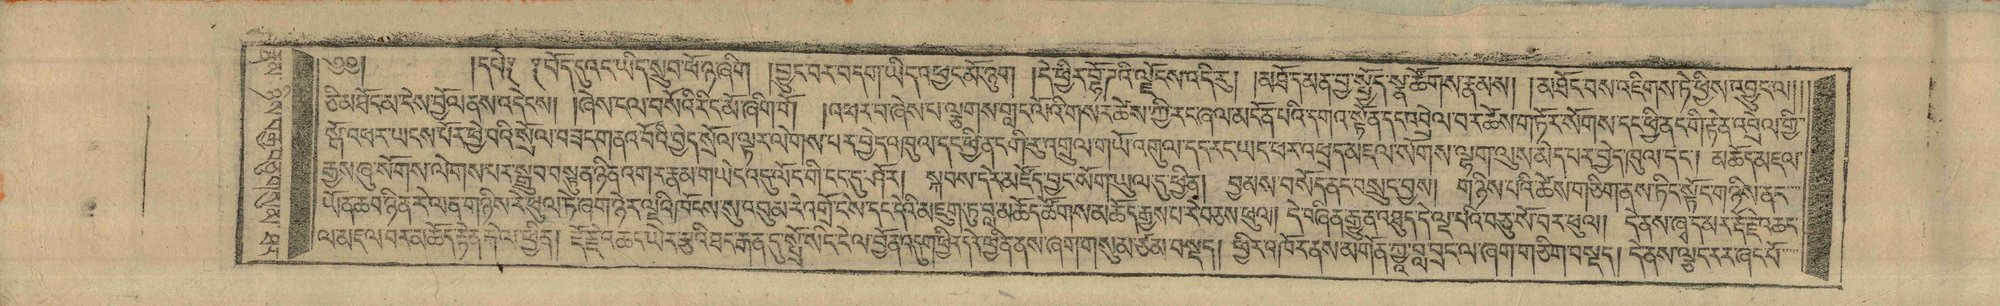༄༅། །དཔེ༑ ༑བོད་དུའང་ཡིད་སྲུབ་ཕོ་ཉ་ཞིག །བྱུང་བར་བདག་ཡིད་འཕྱང་མོ་ཉུག །དེ་ཕྱིར་བྷོ་ཌའི་ལྗོངས་འདི་རུ། །མཐོ་དམན་བྱ་སྤྱོད་སྣ་ཚོགས་རྣམས། །མཐོང་བས་འཇིགས་ཏེ་ཕྱིས་འབྱུང་ལ། །
ཅི་མཐོང་མ་ངེས་བྱོལ་ནས་འདེངས། །ཞེས་ངལ་བསོའི་རིང་མོ་ཞིག་གོ །འཕར་བ་ཞེས་པ་ལྕགས་གླང་ལོའི་གསར་ཚེས་ཀྱི་རང་ཞལ་མངོན་པའི་དགའ་སྟོན་དང་འབྲེལ་བར་ཚེས་གཏོར་སོགས་དང་ཕྱི་ནང་གི་རྟེན་འབྲེལ་གྱི་
སྒོ་འཕར་ཡངས་པོར་ཕྱེ་བའི་སྲོལ་བཟང་གནའ་བོའི་བྱེད་སྲོལ་ལྟར་ལེགས་པར་བྱེད་འཁུལ་དང་ཕྱི་ནང་གི་རུ་འགྲུལ་གཡོ་འགུལ་དང་རང་ཡང་པར་འཕྲད་མཇལ་སོགས་ལྷག་ལུས་མེད་པར་བྱེད་ཁུལ་དང་། མཆོད་མཇལ་
རྒྱས་ཞུ་སོགས་ལེགས་པར་སྒྲུབ་བསྟུན་ཉིན་འགར་རྣམ་གཡེང་འདུ་ལོང་གི་ངང་དུ་ཤོར། སྐབས་དེར་མཛོད་བྱང་སོག་ཡུལ་དུ་ཕྱིན། བྱམས་བསོད་ནང་བསྲུང་བྱས། གཉིས་པའི་ཚེས་གཅིག་ནས་ཏིང་སྟོང་གཉིས་ནང་
ཡོན་ཆབ་ཉིན་རེ་ལན་གཉིས་རེ་ཕུལ་ཏེ་ཞག་ཉེར་ལྔའི་ཁོངས་སུ་འབུམ་རེ་འགྲོ་ངེས་དང་དེའི་མཇུག་ཏུ་བླ་མཆོད་ཚོགས་མཆོད་རྒྱས་པ་རེ་བཅས་ཕུལ། དེ་བཞིན་རྒྱུན་འཐུད་དེ་ལྔ་པའི་བཅུ་སོ་བར་ཕུལ། དེ་ནས་ཞྭ་དམར་རྡོ་རྗེ་འཆང་
ལ་མཇལ་བར་མཆོད་རྟེན་རྐེ་ལ་ཕྱིན། རྡོ་རྗེ་འཆང་ཡེར་རྩའི་ཐང་རྒན་དུ་སྤྲོ་སིང་ངེ་ལ་བྱོན་འདུག་ཕྱིར་དེར་ཕྱིན་ནས་ཞག་གསུམ་ཙམ་བསྡད། ཕྱིར་འཁོར་ནས་མགོན་ཀྱཱ་བླ་བྲང་ལ་ཞག་གཅིག་བསྡད། དེ་ནས་ལྕང་རར་ཞང་པོ་